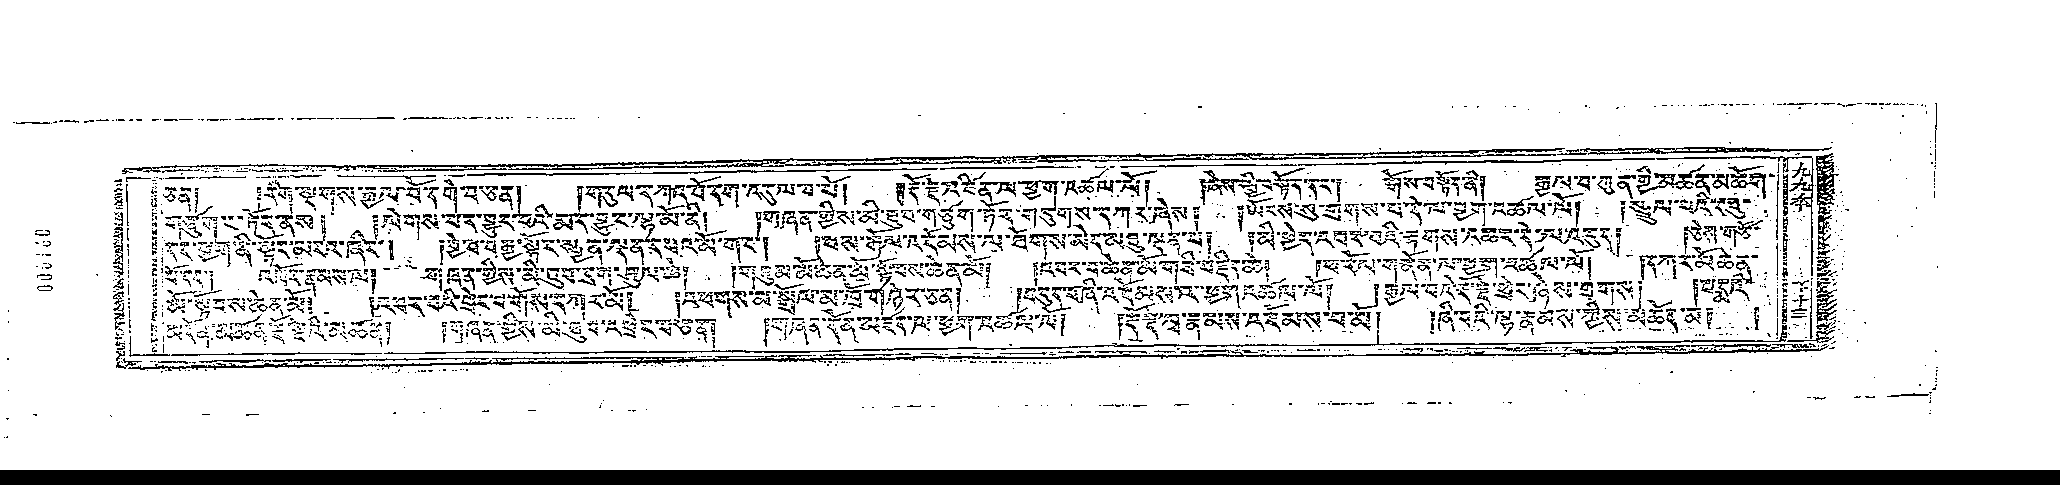ཅན། །རིག་སྔགས་རྒྱལ་པོ་དགེ་བ་ཅན། །གདུལ་དཀའ་བོ་ངག་འདུལ་པ་པོ། །རྡོ་རྗེ་འཛིན་ལ་ཕྱག་འཚལ་ལོ། །ཞེས་སྤྱི་བསྟོད་དང་། སྒོས་བསྣོད་ནི། རྒྱལ་བ་ཀུན་གྱི་མཚན་མཆོག་
གཙུག་ཏོར་ནས། །ལེགས་པར་བྱུང་བའི་རྨད་བྱུང་ལྷ་མོ་ནི། །གཞན་གྱིས་མི་ཐུབ་གཙུག་ཏོར་གདུགས་དཀར་ཞེས། །ཡོངས་སུ་གྲགས་པ་དེ་ལ་ཕྱག་འཚལ་ལོ། །སྤྲུལ་པའི་དབུ་
དང་ཕྱག་ནི་སྟོང་མངའ་ཞིང་། །བྱེ་བ་བརྒྱ་སྟོང་སྤྱན་ལྡན་དཔའ་མོ་གང་། །ཕས་རྒོལ་འཇོམས་ལ་ཐོགས་མེད་མཐུ་ལྡན་པ། །མི་ཕྱེད་འྤར་པའི་རྟགས་འཆད་དེ་ལ་འདུད། །ཅེས་གཙོ་
བོ་དང་། འཁོར་རྣམས་ལ། གཞན་གྱིས་མི་ཐུབ་དྲག་ཤུལ་ཆེ། །གཏུམ་མོ་ཆེན་མོ་སྟོབས་ཆེན་མོ། །འབར་བ་ཆེན་མོ་གཟི་བརྗིད་ཆེ། །ཕ་རོལ་གནོན་ལ་ཕྱག་འཚལ་ལོ། །དཀར་མོ་ཆེན་
མོ་སྟོབས་ཆེན་མོ། །འབར་བའི་ཕྲེང་བ་གོས་དཀར་མོ། །འཕགས་མ་སྒྲོལ་མ་ཁྲོ་གཉེར་ཅན། །བདུད་བཞི་འཇོམས་ལ་ཕྱག་འཚལ་ལོ། །རྒྱལ་བའི་རྡོ་རྗེ་ཕྲེང་ཞེས་གྲགས། །པདམའི་
མངོན་མཚན་རྡོ་རྗེའི་མཚན། །གཞན་གྱིས་མི་ཐུབ་འཕྲེང་བ་ཅན། །གཞན་དོན་མཛད་ལ་ཕྱག་འཚལ་ལོ། །རྡོ་རྗེ་ཝ་རྣམས་འཇོམས་པ་མོ། །ཞི་བའི་ལྷ་རྣམས་ཀྱིས་མཆོད་མ། །